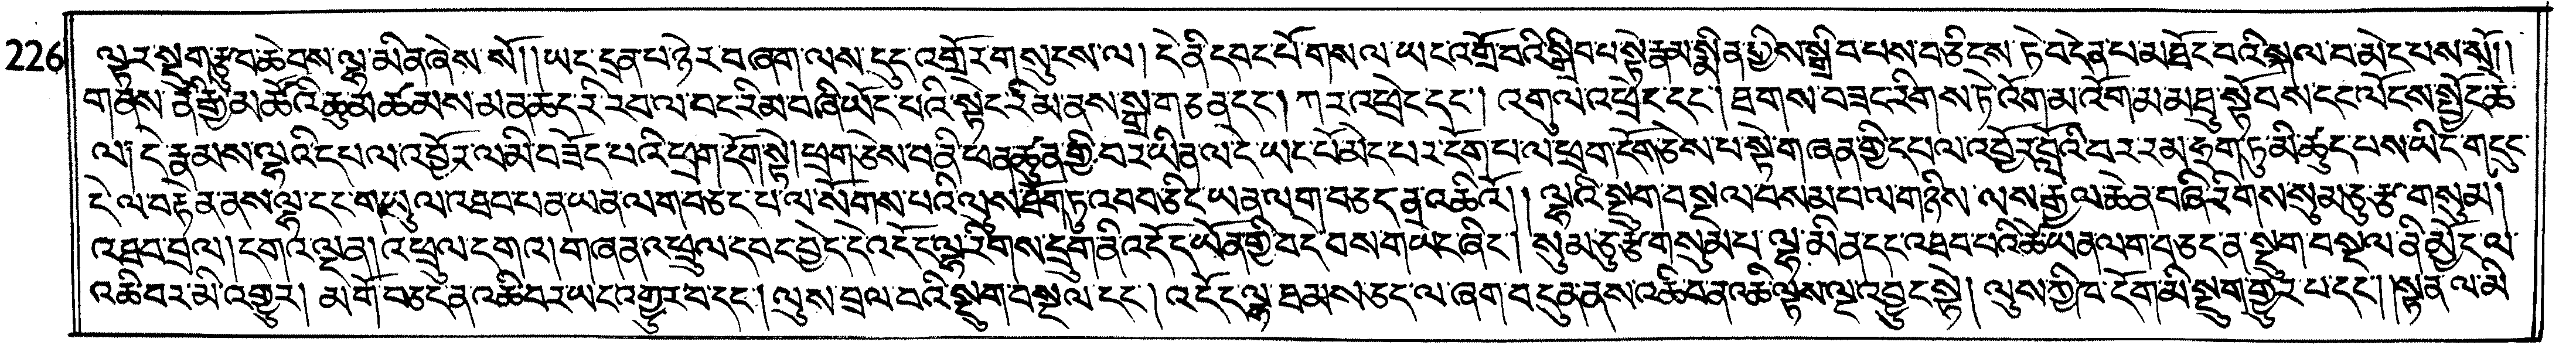ལྟར་སྡུག་རྩུབ་ཆེ་བས་ལྷ་མིན་ཞེས་སོ། །ཡང་དྲན་པ་ཉེར་བཞག་ལས་དུད་འགྲོར་གསུངས་ལ། དེ་ནི་དབང་པོ་གསལ་ཡང་འགྲོ་བའི་སྒྲིབ་པ་སྟེ་རྣམ་སྨིན་གྱིས་སྒྲིབ་པ་བཅིངས་ཏེ་བདེན་པ་མཐོང་བའི་སྐལ་བ་མེད་པས་སོ། །
གནས་ནི་རྒྱ་མཚོའི་ཆུ་མཚམས་མན་ཆད་རི་རབ་ལ་བང་རིམ་བཞི་ཡོད་པའི་སྟེང་རིམ་ནས་སྒྲ་གཅན་དང་། ཀར་འཕྲེང་དང་། འགུལ་འཕྲེང་དང་། ཐགས་བཟང་རིགས་ཏེ་འོག་མ་འོག་མ་མཐུ་སྟོབས་དང་ལོངས་སྤྱོད་ཆེ་
ལ༑ དེ་རྣམས་ལྷའི་དཔལ་འབྱོར་ལ་མི་བཟོད་པའི་ཕྲག་དོག་སྟེ། ཕྲག་ཅེས་པ་ནི་ཕན་ཚུན་གྱི་བར་ཡིན་ལ་དེ་ཡང་པོ་མེད་པར་དོག་པ་ལ་ཕྲག་དོག་ཅེས་པ་སྟེ་གཞན་གྱི་དཔལ་འབྱོར་བློའི་བར་རམ་ཧྲག་ཏུ་མི་ཚུད་པས་ཡིད་གདུང་
དེ་ལ་བརྟེན་ནས་ལྷ་དང་གཡུལ་འཐབ་པ་ན་ཡན་ལག་བཅད་པ་ལ་སོགས་པའི་ལུས་ཐོག་ཏུ་འབབ་ཅིང་ཡན་ལག་བཅད་ན་འཆིའོ། །ལྷའི་སྡུག་བསྔལ་བསམ་པ་ལ་གཉིས་ལས་རྒྱལ་ཆེན་བཞི་རིགས་སུམ་ཅུ་རྩ་གསུམ།
འཐབ་བྲལ། དགའ་ལྡན། འཕྲུལ་དགའ། གཞན་འཕྲུལ་དབང་བྱེད་དེ་འདོད་ལྷ་རིགས་དྲུག་ནི་འདོད་ཡོན་གྱི་བདེ་བས་གཡེང་ཞིང་། སུམ་ཅུ་རྩ་གསུམ་པ་ལྷ་མིན་དང་འཐབ་པའི་ཚེ་ཡན་ལག་བཅད་ན་སྡུག་བསྔལ་ནི་མྱོང་ལ་
འཆི་བར་མི་འགྱུར། མགོ་བཅད་ན་འཆི་བར་ཡང་འགྱུར་བ་དང་། ལུས་བྲལ་བའི་སྡུག་བསྔལ་དང་། འདོད་ལྷ་ཐམས་ཅད་ལ་ཞག་བདུན་ནས་འཆི་བ་ན་འཆི་ལྟས་ལྔ་འབྱུང་སྟེ། ལུས་ཀྱི་ཁ་དོག་མི་སྡུག་གྱུར་པ་དང་། །སྟན་ལ་མི་